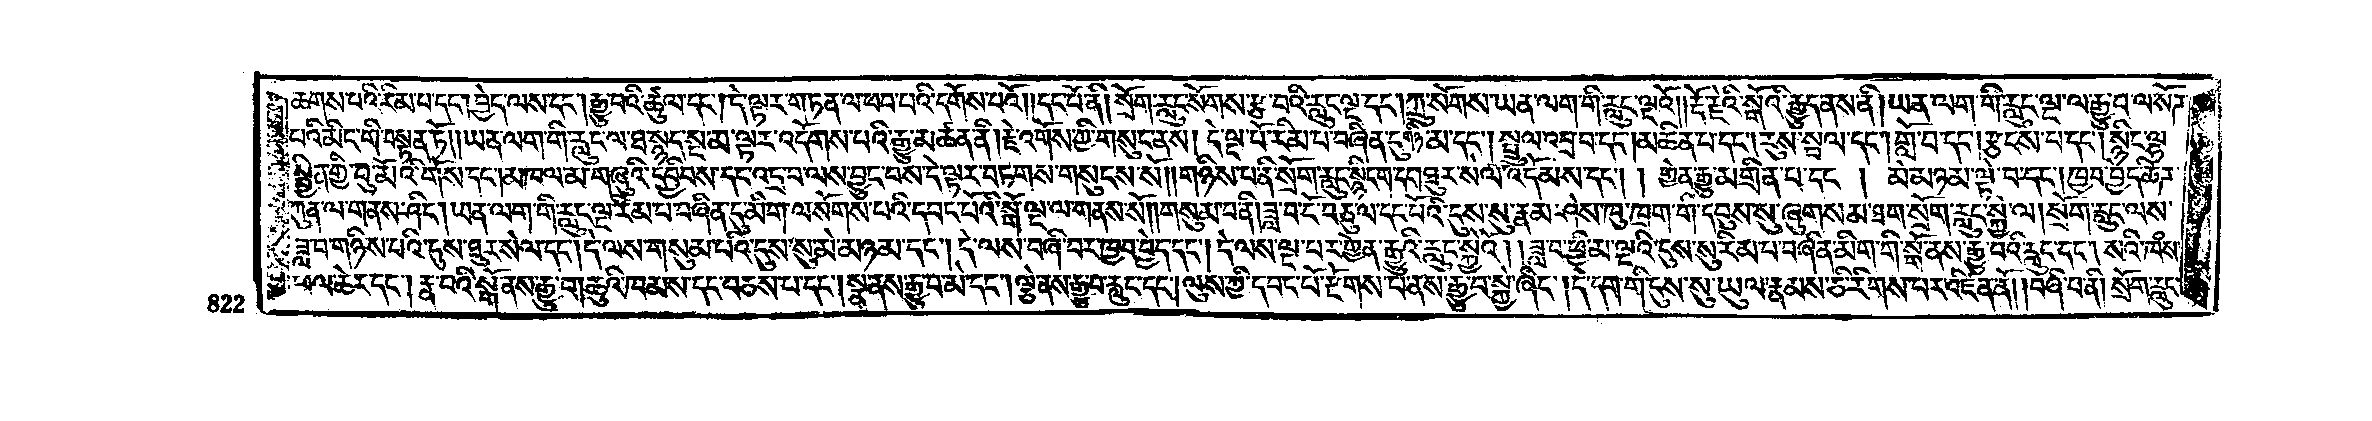ཆགས་པའི་རིམ་པ་དང་། བྱེད་ལས་དང་། རྒྱུ་བའི་ཚུལ་དང་། དེ་ལྟར་གཏན་ལ་ཕབ་པའི་དགོས་པའོ། །དང་པོ་ནི། སྲོག་རླུང་སོགས་རྩ་བའི་རླུང་ལྔ་དང་། ཀྲུ་སོགས་ཡན་ལག་གི་རླུང་ལྔའོ། །རྡོ་རྗེའི་སྒོའི་རྒྱུད་ནས་ནི། ཡན་ལག་གི་རླུང་ལྔ་ལ་རྒྱུ་བ་ལ་སོགས་
པའི་མིང་གི་བསྟན་ཏོ། །ཡན་ལག་གི་རླུང་ལ་ཐ་སྙད་སྔ་མ་ལྟར་འདོགས་པའི་རྒྱུ་མཚན་ནི། རྗེ་འགོས་ཀྱི་གསུང་ནས། དེ་ལྔ་པོ་རིམ་པ་བཞིན་དུ་གཉི་མ་དང་། སྤྲུལ་འབྲ་བ་དང་། མཆིན་པ་དང་། རུས་སྦལ་དང་། གློ་བ་དང་། རྩངས་པ་དང་། སྙིང་ལྷ་
སྦྱིན་གྱི་བུ་མོའི་གོས་དང་། མཁལ་མ་གཞུའི་དབྱིབས་དང་འདྲ་བ་ལས་བྱུང་བས་དེ་ལྟར་བཏགས་གསུངས་སོ། །གཉིས་པ་ནི་སྲོག་རླུང་སྙིང་ག་དང་། ཐུར་སེལ་འདོམས་དང་། །གྱེན་རྒྱུ་མགྲིན་པ་དང་། མེ་མཉམ་ལྟེ་བ་དང་། ཁྱབ་བྱེད་ཚིགས་
ཀུན་ལ་གནས་ཤིང་། ཡན་ལག་གི་རླུང་ལྔ་རིམ་པ་བཞིན་དུ་མིག་ལ་སོགས་པའི་དབང་པོའི་སྒོ་ལྔ་ལ་གནས་སོ། །གསུམ་པ་ནི། ཟླ་བ་ངོ་བཅུ་ལ་དང་པོའི་དུས་སུ་རྣམ་ཤེས་ཁུ་ཁྲག་གི་དབུས་སུ་ཞུགས་མ་ཐག་སྲོག་རླུང་སྐྱེ་ལ། སྲོག་རླུང་ལས་
ཟླ་བ་གཉིས་པའི་དུས་ཐུར་སེལ་དང་། དེ་ལས་གསུམ་པའི་དུས་སུ་མེ་མཉམ་དང་། དེ་ལས་བཞི་པར་ཁྱབ་བྱེད་དང་། དེ་ལས་ལྔ་པར་གྱེན་རྒྱུའི་རླུང་སྐྱེའོ། །ཟླ་བ་ཕྱི་མ་ལྔའི་དུས་སུ་རིམ་པ་བཞིན་མིག་གི་སྒོ་ནས་རྒྱུ་བའི་རླུང་དང་། སའི་ཁམས་
ཕལ་ཆེར་དང་། རྣ་བའི་སྒོ་ནས་རྒྱུ་བ། ཆུའི་ཁམས་དང་བཅས་པ་དང་། སྣ་ནས་རྒྱུ་བ་མེ་དང་། ལྕེ་ནས་རྒྱུ་བ་རླུང་དང་། ལུས་ཀྱི་དབང་པོ་རྫོགས་པ་ནས་རྒྱུ་བ་སྐྱེ་ཞིང་། དེ་དག་གི་དུས་སུ་ཡུལ་རྣམས་ཅི་རིགས་པར་འཛིན་ནོ། །བཞི་པ་ནི། སྲོག་རླུང་